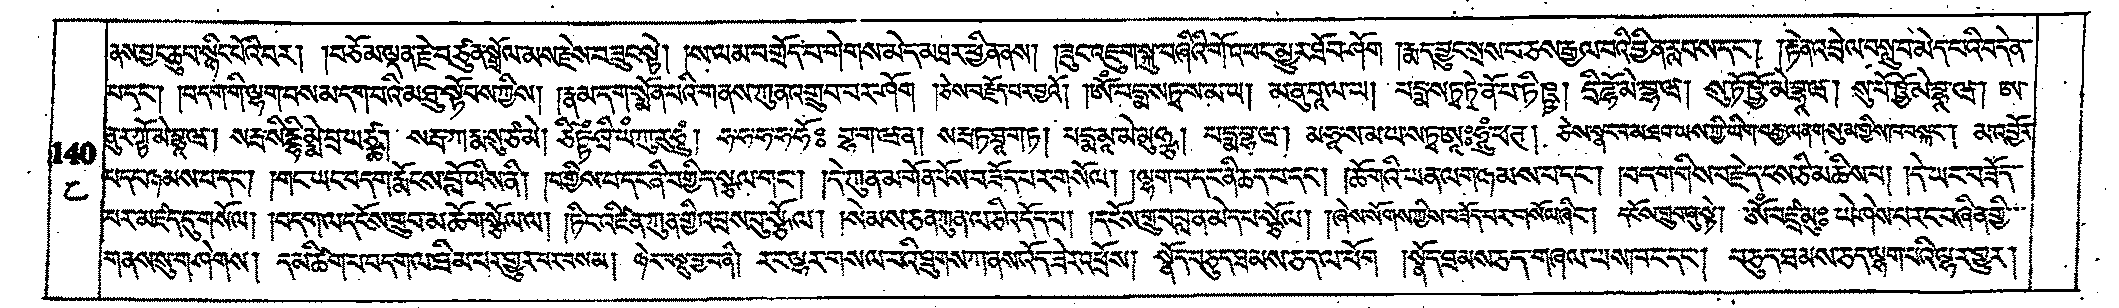ནས་བྱང་ཆུབ་སྙིང་པོའི་བར། །བཅོམ་ལྡན་རྗེ་བཙུན་སྒྲོལ་མས་རྗེས་བཟུང་སྟེ། །ས་ལམ་བགྲོད་པ་གེགས་མེད་མཐར་ཕྱིན་ནས། །ཟུང་འཇུག་སྐུ་བཞིའི་གོ་འཕང་མྱུར་ཐོབ་ཤོག །རྨད་བྱུང་སྲས་བཅས་རྒྱལ་བའི་བྱིན་རླབས་དང་། །རྟེན་འབྲེལ་བསླུ་བ་མེད་པའི་བདེན་་་
པ་དང་། །བདག་གི་ལྷག་བསམ་དག་པའི་མཐུ་སྟོབས་ཀྱིས། །རྣམ་དག་སྨོན་པའི་གནས་ཀུན་འགྲུབ་པར་ཤོག་།ཅེས་བརྗོད་པར་བྱའོ།  །ཨོཾ་པདམ་སཏྭ་ས་མ་ཡ། མ་ནུ་པཱ་ལ་ཡ། པདམ་སཏྭ་ཏྭེ་ནོ་པ་ཏིཥཊཿཨ། དྲི་ཌྷོ་མེ་བྷ་ཝ། སུ་ཏོ་ཥྱོ་མེ་བྷཱ་ཝ། སུ་པོ་ཥྱོ་མེ་བྷཱ་ཝ། ཨ་
ནུ་རཀྟོ་མེ་བྷཱ་ཝ། སརྦ་སིདྡྷི་མྨེ་པྲ་ཡཙྪ། སརྦ་ཀརྨ་སུ་ཙ་མེ། ཙིཏྟཾ་ཤྲི་ཡཾ་ཀུ་རུ་ཧཱུཾ། ཧ་ཧ་ཧ་ཧ་ཧོཿབྷ་ག་ཝན། སརྦ་ཏ་ཐཱ་ག་ཏ། པདམ་མཱ་མེ་མུཉྩ། པདམ་བྷ་ཝ། མཧཱ་ས་མ་ཡ་སཏྭ་ཨཱཿཧཱུཾ་ཕཊ། ཅེས་སྣང་བ་མཐའ་ཡས་ཀྱི་ཡིག་བརྒྱ་ལན་གསུམ་གྱིས་ཁ་བསྐང་།  མ་འབྱོར་
པ་དང་ཉམས་པ་དང་། །གང་ཡང་བདག་རྨོངས་བློ་ཡིས་ནི། །བགྱིས་པ་དང་ནི་བགྱིད་སྩལ་གང་། །དེ་ཀུན་མགོན་པོས་བཟོད་པར་གསོལ། །ལྷག་པ་དང་ནི་ཆད་པ་དང་། །ཆོ་གའི་ཡན་ལག་ཉམས་པ་དང་། །བདག་གིས་བརྗེད་ངས་ཅི་མཆིས་པ། །དེ་ཡང་བཟོད་་་
པར་མཛད་དུ་གསོལ། །བདག་ལ་དངོས་གྲུབ་མཆོག་སྩོལ་ལ། །ཏིང་འཛིན་ཀུན་གྱི་འབྲས་བུ་སྩོལ། །སེམས་ཅན་ཀུན་ལ་ཅི་འདོད་པ། །དངོས་གྲུབ་བླ་ན་མེད་པ་སྩོལ། །ཞེས་སོགས་ཀྱིས་བཟོད་པར་གསོལ་ཞིང་། དངོས་གྲུབ་ཞུ་སྟེ།  ཨོཾ་བཛྲ་མུཿཡེ་ཤེས་པ་རང་བཞིན་གྱི་་་
གནས་སུ་གཤེགས། དམ་ཚིག་པ་བདག་ལ་ཐིམ་པར་གྱུར་པར་བསམ། ཉེར་བསྡུ་བྱ་བ་ནི།  རང་ལྷར་གསལ་བའི་ཐུགས་ཀ་ནས་འོད་ཟེར་འཕྲོས། སྣོད་བཅུད་ཐམས་ཅད་ལ་ཕོག །སྣོད་ཐམས་ཅད་གཞལ་ཡས་ཁང་དང་། བཅུད་ཐམས་ཅད་ལྷག་པའི་ལྷར་གྱུར།